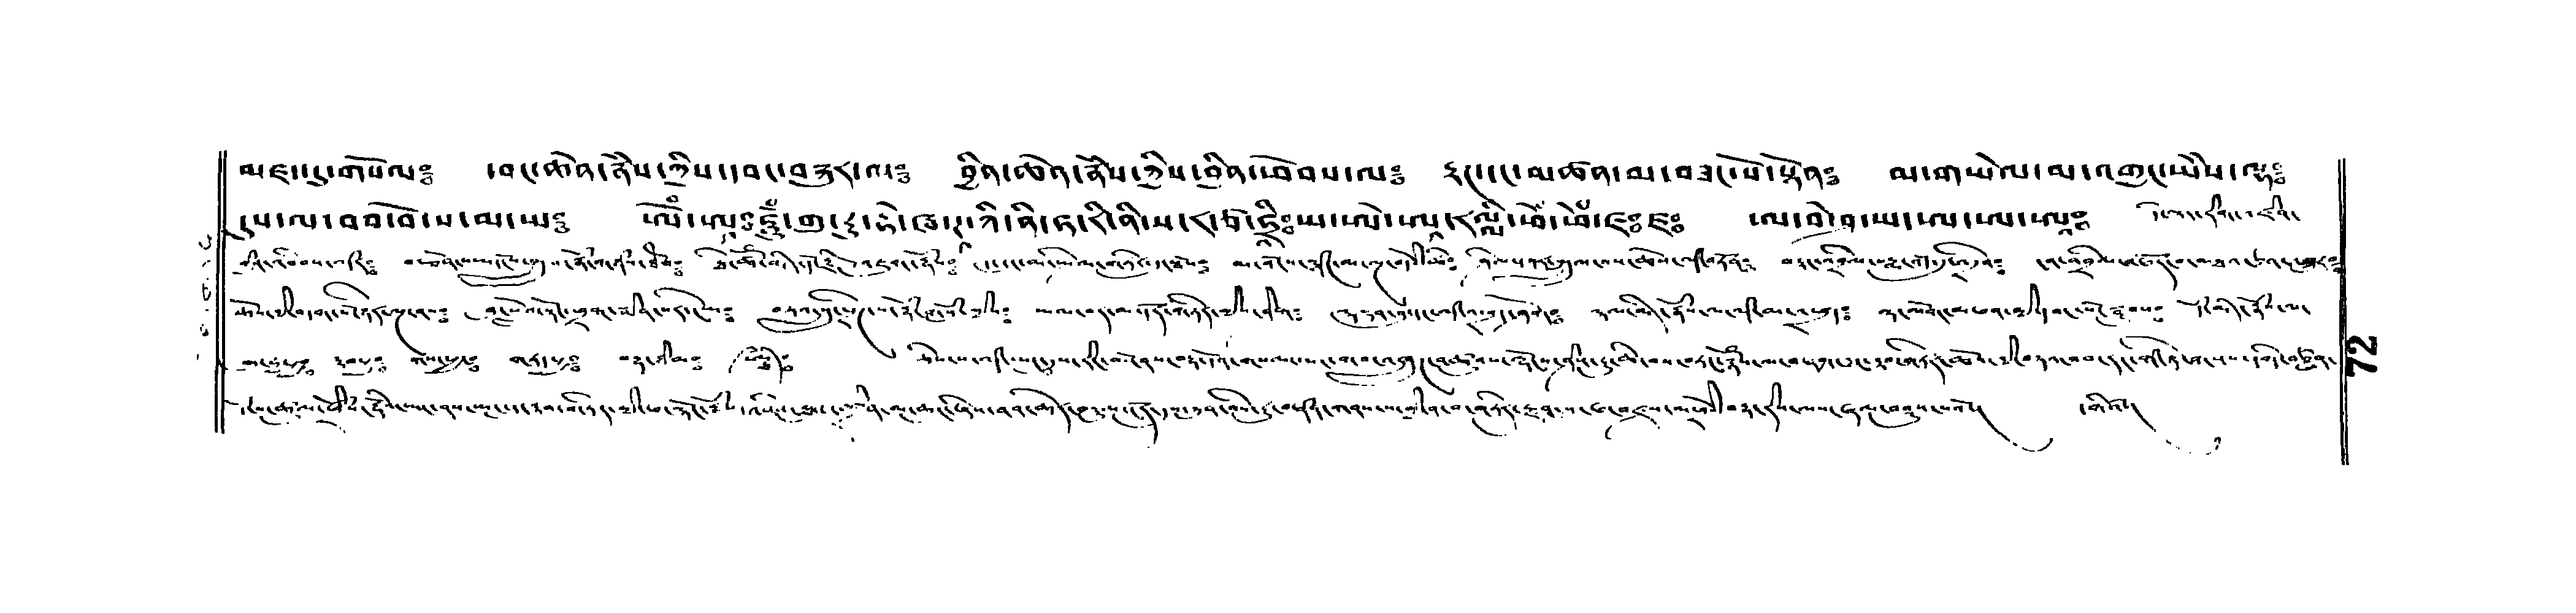མཛད་དུ་གསོལ༔ དབང་ཆེན་རྣམས་ཀྱིས་དབང་བསྐུར་ལ༔ བྱིན་ཆེན་རྣམས་ཀྱིས་བྱིན་ཕོབས་ལ༔ རྟགས་དང་མཚན་མ་བཟང་པོ་སྟོན༔ མ་གཡེལ་མ་འགྱང་ཡེ་ཤེས་ལྷ༔ 
དུས་ལ་བབ་བོ་ས་མ་ཡ༔ ཨོཾ་ཨཱཿཧཱུྃ་གུ་རུ་དྷེ་ཝ་ཌཱ་ཀི་ནི་ཧ་རི་ནི་ས་ར་ཙ་ཧྲཱིཿཡ་ཨེ་ཨཱ་རལླི་ཕེཾ་ཕེཾ་ཛཿཛཿ ཨ་ཝེ་ཤ་ཡ་ཨ་ཨ་ཨཱཿ དེ་ལྟར་རིག་འཛིན་
བྱིན་འབེབས་འདིར༔ བརྩོན་པས་དངོས་གྲུབ་རྣམ་གཉིས་ཐོབ༔ ཐེ་ཚོམ་མེད་དོ་རྗེས་འཇུག་རྣམས༔ད་དུང་མ་སྤེལ་གཏེར་དུ་སྦོས༔ མ་འོངས་སྙིགས་མ་ལྔ་བདོའི་ཚེ༔ ཤེལ་དཀར་སྤྲུལ་བས་ཆོས་འདི་འདཽན༔ བཟང་འབྲེལ་པདྨ་འོད་དུ་འདྲེན༔ ངན་འབྲེལ་འཁོར་བ་མཐའ་ཅན་འགྱུར༔ 
ཆོས་ཀྱི་བདག་པོ་ཉེར་ལྔ་ནས༔ བུ་སློབ་སྟོང་ཕྲག་སྨིན་པར་ངེས༔ བཀའ་སྲུང་དྲེགས་པ་རྣམ་གསུམ་གྱིས༔ ཡལ་བར་མ་དོར་གཉེར་གྱིས་ཤིག༔ སྐལ་ལྡན་བུ་དང་འདི་འཕྲད་ཤོག༔ སྐལ་མེད་རྣམས་ལ་འདི་མ་འཕྲད༔ ལྷ་ལོག་མཁན་གྱི་དབང་པོ་སྣུབས༔ དམ་མེད་རྣམས་ལ་
གུ་ཧྱ་རྒྱ༔ ཟབ་རྒྱ༔ གསང་རྒྱ༔ གཏད་རྒྱ༔ བརྡ་ཐིམ༔ ཿ ཞེས་པ་འདི་ཡང་དུས་རིང་མོ་ནས་བརྡ་དོན་གསལ་ཡང་གབ་འཁྲུགས་འཚུབས་ལྷོངས་ཤིན་ཏུ་ཆེ་བས་བཏང་སྙོམས་ལ་བཞག་ཀྱང་ཟབ་གཏེར་ཆོས་ཀྱི་བཀའ་བབ་རང་གི་ཉེ་གནས་དགེ་བཙུན་
དམ་པ་ཚུལ་ཁྲིམས་རྡོ་རྗེས་ཡང་ནས་ཡང་དུ་ཟབ་གཏེར་གྱི་ཁ་སྐོང་རྣམས་འབེབས་ཐུབ་པ་བཀའ་དྲིན་མ་ཆུང་ཞེས་ནན་ཆེར་བསྐུལ་ངོར་དུས་ཀུན་བསེ་རུ་བཞིན་གནས་པ་གྱི་ན་བ་གཏེར་རྫུན་སུ་ཁ་བཛྲས་མཁའ་འགྲོའི་བརྡ་རིས་ལས་ཞལ་བཤུས་པ་དགེའོ།།